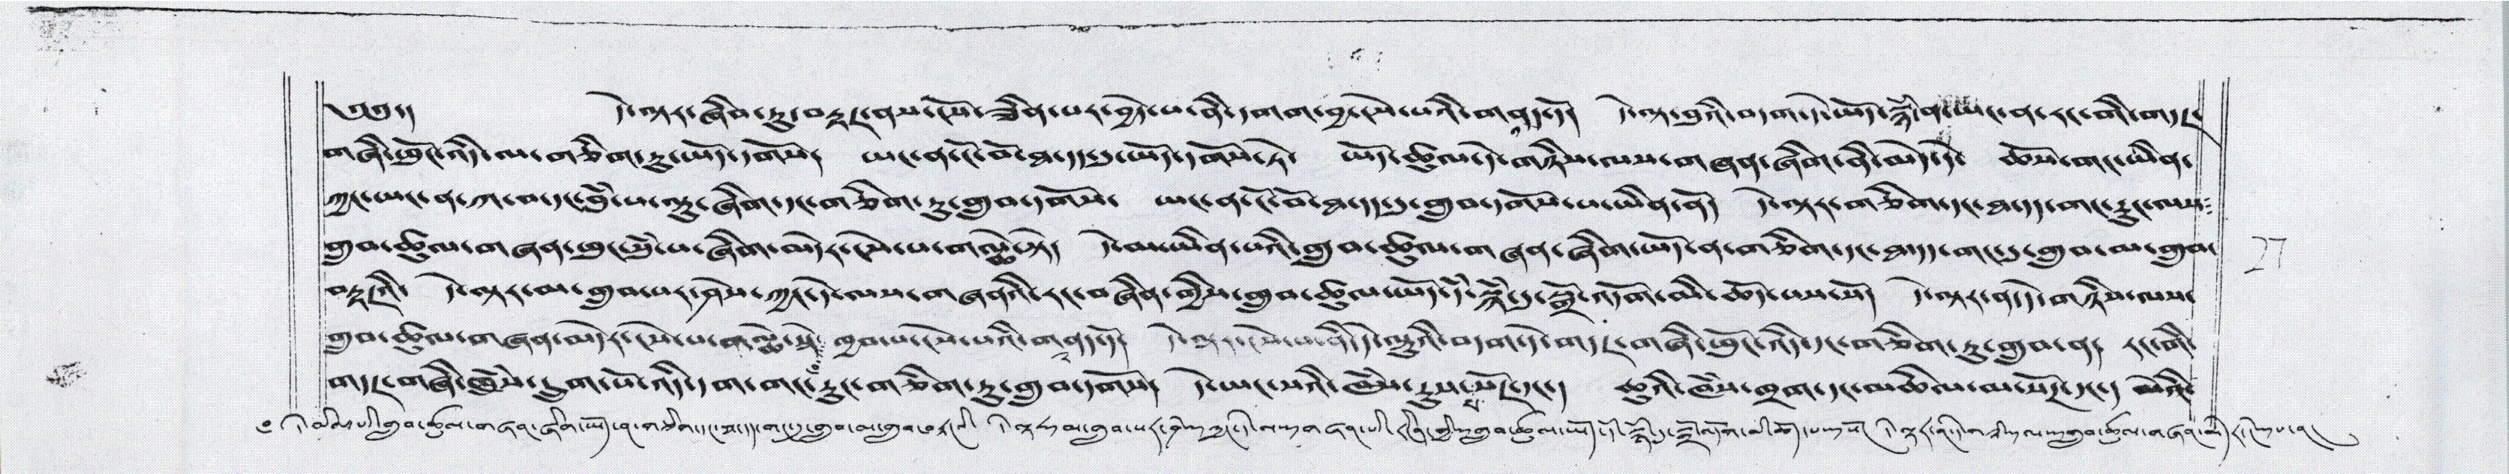དེ་ལྟར་ཞིབ་ཏུ་བརྟགས་ནས་ངོས་ཟིན་པར་བྱེད་པ་ནི་དགག་བྱ་ངེས་པའི་གནད་དོ། དེ་ལྟ་བུའི་བདག་དེ་ཡོད་སྙམ་ན་ཡང་ན་རང་གི་གདགས་
གཞི་ཕུང་པོ་འདི་ལ་གཅིག་ཏུ་ཡོད་དགོས། ཡང་ན་ངོ་བོ་ཐ་དད་དུ་ཡོད་དགོས་ཏེ། ཡོད་ཚུལ་དེ་གཉིས་ལས་གཞན་ཞིག་ནི་མེད་དེ། ཆོས་གང་ཡིན་
ཀྱང་ཡང་ན་ཀ་བ་དང་བུམ་པ་ལྟ་བུ་ཞིག་དང་གཅིག་ཏུ་གྲུབ་དགོས། ཡང་ན་ངོ་བོ་ཐ་དད་དུ་གྲུབ་དགོས་པ་ཡིན་ནོ། དེ་ལྟར་གཅིག་དང་ཐ་དད་གང་རུང་ལས་
གྲུབ་ཚུལ་གཞན་ཕུང་གསུམ་པ་ཞིག་མེད་པར་ངེས་པ་གལ་ཆེ་སྟེ། དེ་མ་ཡིན་པའི་གྲུབ་ཚུལ་གཞན་ཞིག་ཡོད་ན་གཅིག་དང་ཐ་དད་གང་དུ་གྲུབ་མ་གྲུབ་
བརྟགས་པས། དེ་ལྟར་མ་གྲུབ་པར་ཤེས་ཀྱང་དེ་ལས་གཞན་པའི་རང་བཞིན་གྱིས་གྲུབ་ཚུལ་ཡོད་དམ་སྙམ་དུ་སྒྲོ་འདོགས་མི་ཆོད་པས་སོ། དེ་ལྟར་ན་དེ་གཉིས་ལས་
གྲུབ་ཚུལ་གཞན་མེད་པར་ངེས་པར་གལ་ཆེ་སྟེ། དེ་མིན་གྲུབ་ཚུལ་གཞན་ཞིག་ཡོད་ན་གཅིག་དང་ཐ་དད་གང་དུ་གྲུབ་མ་གྲུབ་བརྟགས་པ་ཡི། དེ་ལྟར་མ་གྲུབ་པར་ཤེས་ཀྱང་དེ་ལས་གཞན་པའི་རང་བཞིན་གྱིས་གྲུབ་ཚུལ་ཡོད་དམ་སྙམ་དུ་སྒྲི་འདོགས་མི་ཆོད་པས་སོ། །དེ་ལྟར་ན་དེ་གཉིས་ལས་གྲུབ་ཚུལ་གཞན་མེད་པར་ངེས་པ་ན། ཁྱབ་པ་ངེས་པའི་གནད་དོ། དེ་ལྟར་ངེས་པ་ནི་དེ་ལྟ་བུའི་བདག་ཡོད་གདགས་གཞི་ཕུང་པོ་འདི་འདི་དང་གཅིག་ཏུ་གྲུབ་ན། རང་གི་
གདགས་གཞི་འཁྲུལ་བས་དྲུག་པོ་འདི་དག་གང་རུང་གཅིག་ཏུ་གྲུབ་དགོས། དེ་ཡང་སའི་ཁམས་རུས་པ་སོགས་དང་། ཆུའི་ཁམས་ཁྲག་དང་མཆིལ་སོགས་དང་། མེའི་